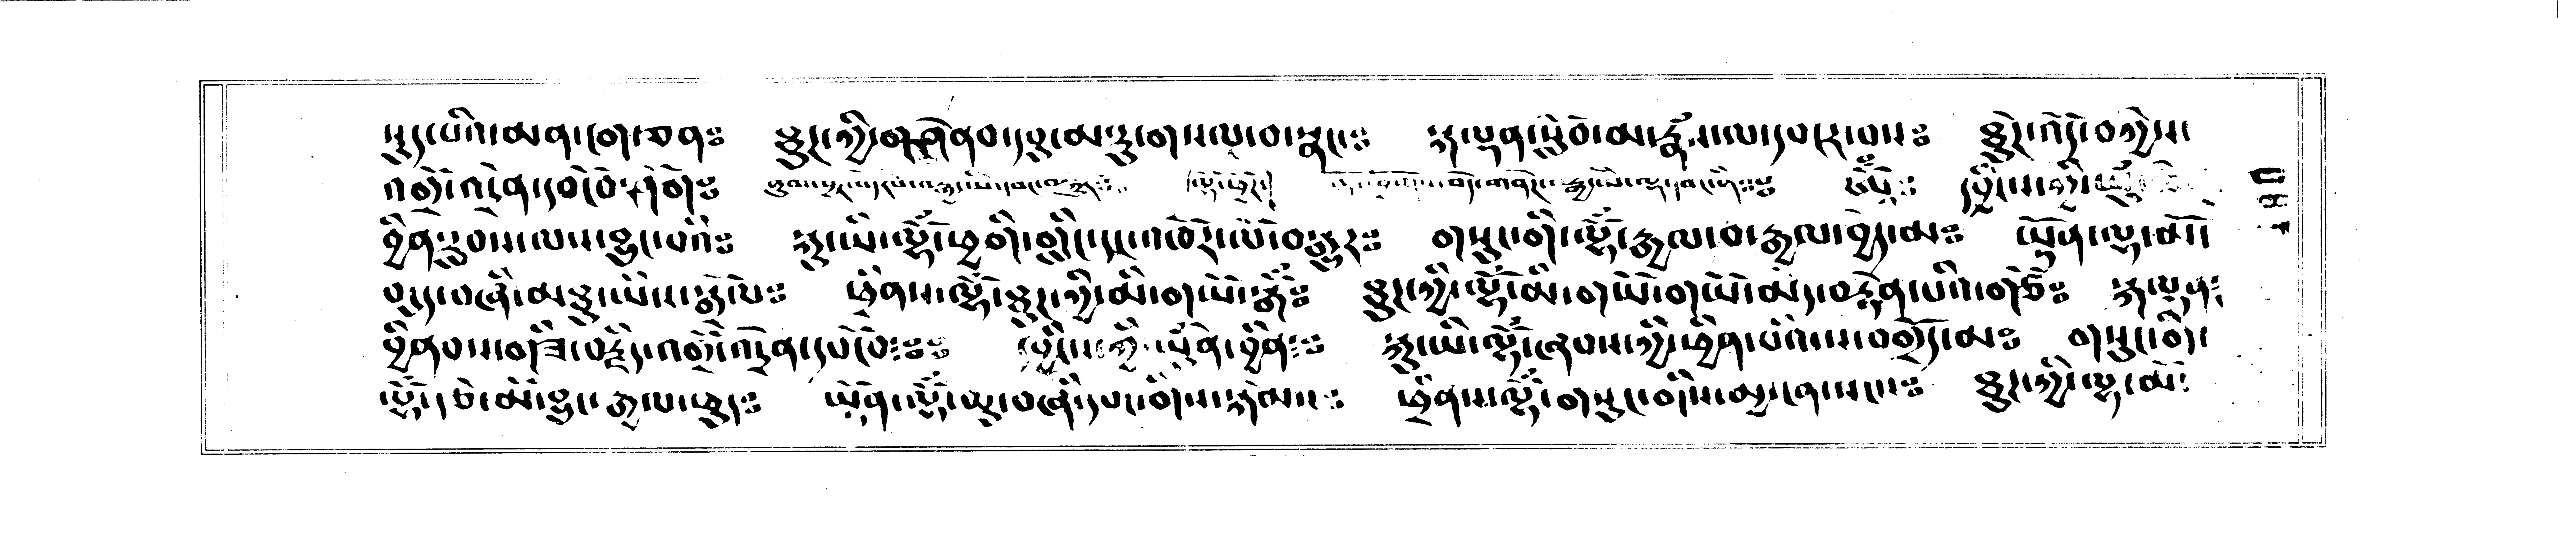སྡུད་པའི་མན་ངག་ཅནཿ ཐུགས་ཀྱི་གཤེན་རབ་དབུ་མ་རུ་གསལ་བ་སྣངཿ སྐལ་ལྡན་སློབ་མ་རྣམས་ལ་དབང་བསྐུར་བསཿ ཐུགས་རྗེའི་འོད་བཀྱེས་
འགྲོ་འདྲེན་དབང་ཐོབ་ཤོགཿ ནུབ་ཕྱོགས་བདེར་གཤེགས་བརྒྱ་ཡི་དབང་བསྐུར་རོཿ ༼ལྷོ༽ལྷོ་ཕྱོགས་བདེར་གཤེགས་བརྒྱ་ཡི་ལྷ་དབང་ནིཿ ན་མོ་བདེ་བར་ཨཱོྃཿ དབྱིངས་ཀྱི་ཡུམ་ཆེན་
བྱིན་རླབས་ལས་བྱུང་བའིཿ སྐུ་ཡི་ལྷ་མོ་གསལ་བ་ནམ་མཁའི་མདངས་ལྡན་མཿ གསུང་གི་ལྷ་མོ་རྒྱལ་བ་རྒྱལ་བྱེད་མཿ ཡོན་ཏན་གྱི་ལྷ་མོ་
བདུད་བཞི་མཐུ་ཡིས་སྒྲོལཿ ཕྲིན་ལས་ཀྱི་ལྷ་མོ་ཐུགས་ཉིད་མི་གཡོ་སྒོམཿ ཐུགས་ཀྱི་ལྷ་མོ་མི་གཡོ་གཡོ་མེད་བརྟན་པའི་གཙོཿ སྐལ་ལྡན་
སློབ་མ་རྣམས་ལ་དབང་བསྐུར་བསཿ བྱིན་རླབས་གཟི་བརྗིད་འགྲོ་འདྲེན་དབང་ཐོབ་ཤོགཿ དབྱིངས་ཀྱི་ཡུམ་ཆེན་བྱིན་རླབས་ལས་བྱུང་བའིཿ སྐུ་ཡི་ལྷ་མོ་ཞབས་ཀྱི་ཕྱིན་པར་ས་བགྲོད་མཿ གསུང་གི་
ལྷ་མོ་རྩེ་མོ་བྱུང་རྒྱལ་ཕུདཿ ཡོན་ཏན་གྱི་ལྷ་མོ་ཆུ་བཞི་དབང་གིས་སྐེམཿ ཕྲིན་ལས་ཀྱི་ལྷ་མོ་གསུང་གིས་མྱ་ངན་སངསཿ ཐུགས་ཀྱི་ལྷ་མོ་